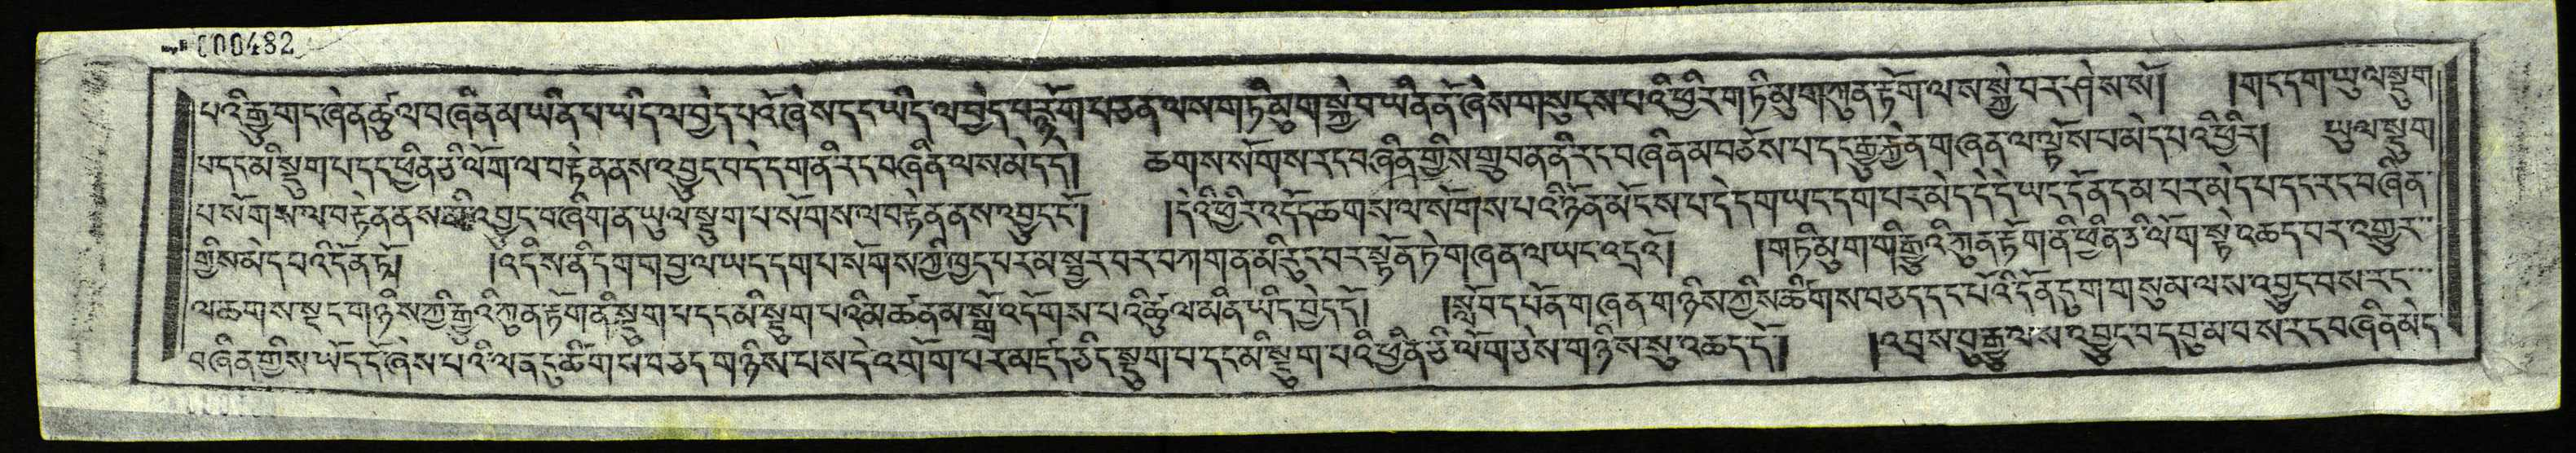པའི་རྒྱུ་གང་ཞེ་ན་ཚུལ་བཞིན་མ་ཡིན་པ་ཡིད་ལ་བྱེད་པའོ་ཞེས་དང་ཡིད་ལ་བྱེད་པ་རྙོག་པ་ཅན་ལས་གཏི་མུག་སྐྱེ་བ་ཡིན་ནོ་ཞེས་གསུངས་པའི་ཕྱིར་གཏི་མུག་ཀུན་རྟོག་ལས་སྐྱེ་བར་ཤེས་སོ། །གང་དག་ཡུལ་སྡུག་
པ་དང་མི་སྡུག་པ་དང་ཕྱིན་ཅི་ལོག་ལ་བརྟེན་ནས་འབྱུང་བ་དེ་དག་ནི་རང་བཞིན་ལས་མེད་དེ། ཆགས་སོགས་རང་བཞིན་གྱིས་གྲུབ་ན་ནི་རང་བཞིན་མ་བཅོས་པ་དང་རྒྱུ་རྐྱེན་གཞན་ལ་ལྟོས་པ་མེད་པའི་ཕྱིར། ཡུལ་སྡུག་
པ་སོགས་ལ་བརྟེན་ནས་མི་འབྱུང་བ་ཞིག་ན་ཡུལ་སྡུག་པ་སོགས་ལ་བརྟེན་ནས་འབྱུང་ངོ། །དེའི་ཕྱིར་འདོད་ཆགས་ལ་སོགས་པའི་ཉོན་མོངས་པ་དེ་དག་ཡང་དག་པར་མེད་དེ་དེ་ཡང་དོན་དམ་པར་མེད་པ་དང་རང་བཞིན་
གྱིས་མེད་པའི་དོན་ཏོ། །འདིས་ནི་དགག་བྱ་ལ་ཡང་དག་པ་སོགས་ཀྱི་ཁྱད་པར་མ་སྦྱར་བར་བཀག་ན་མི་རུང་བར་སྟོན་ཏེ་གཞན་ལ་ཡང་འདྲའོ། །གཏི་མུག་གི་རྒྱུའི་ཀུན་རྟོག་ནི་ཕྱིན་ཅི་ལོག་སྟེ་འཆད་པར་འགྱུར་
ལ་ཆགས་སྡང་གཉིས་ཀྱི་རྒྱུའི་ཀུན་རྟོག་ནི་སྡུག་པ་དང་མི་སྡུག་པའི་མཚན་མ་སྒྲོ་འདོགས་པའི་ཚུལ་མིན་ཡིད་བྱེད་དོ། །སློབ་དཔོན་གཞན་གཉིས་ཀྱིས་ཚིགས་བཅད་དང་པོའི་དོན་དུག་གསུམ་ལས་འབྱུང་བས་རང་
བཞིན་གྱིས་ཡོད་དོ་ཞེས་པའི་ལན་དུ་ཚིགས་བཅད་གཉིས་པས་དེ་འགོག་པར་མཛད་ཅིང་སྡུག་པ་དང་མི་སྡུག་པའི་ཕྱིན་ཅི་ལོག་ཅེས་གཉིས་སུ་འཆད་དོ། །འབྲས་བུ་རྒྱུ་ལས་འབྱུང་བ་དབུ་མ་བས་རང་བཞིན་མེད་